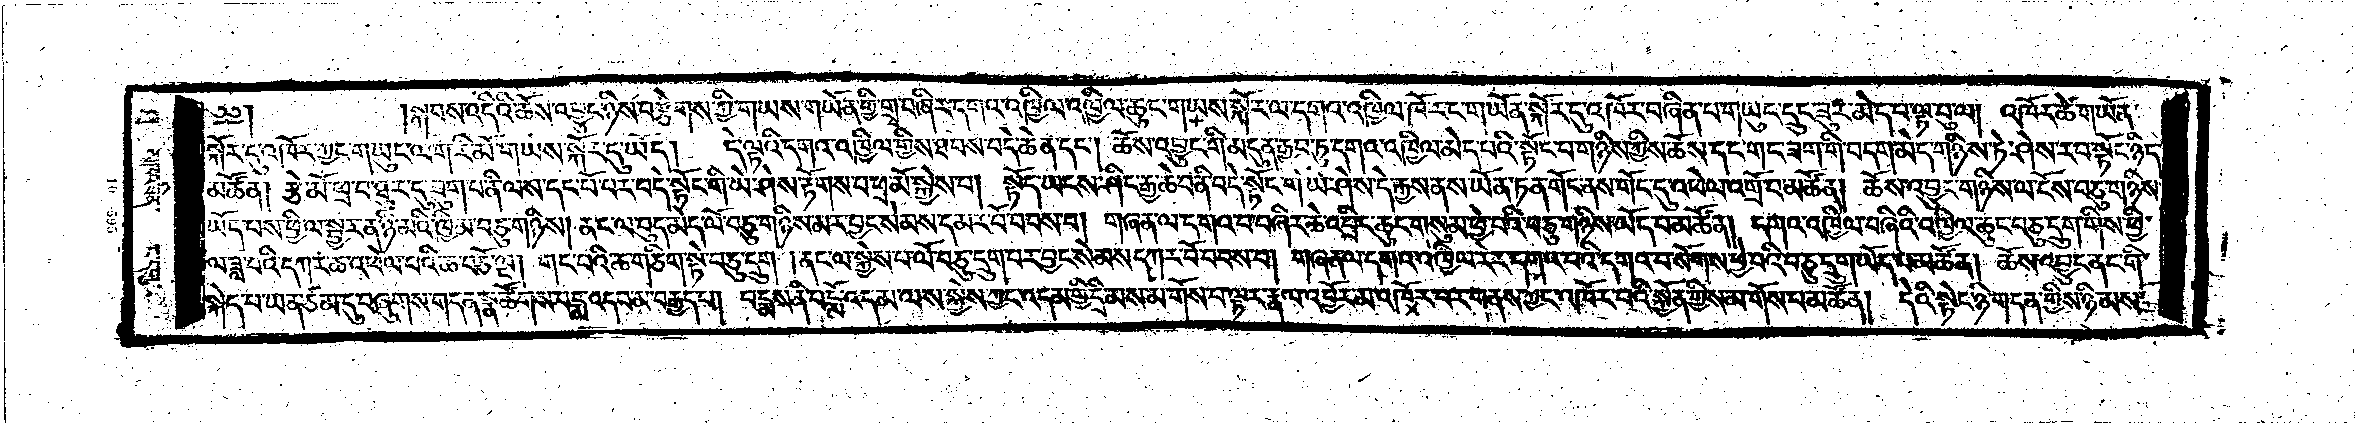༄༅། །སྐབས་འདིའི་ཆོས་འབྱུང་ཉིས་བརྩེགས་ཀྱི་གཡས་གཡོན་གྱི་གྲྭ་བཞིར་དགའ་འཁྱིལ་འཁྱིལ་ཆུང་གཡས་སྐོར་ལ་དགའ་འཁྱིལ་ཁོ་རང་གཡོན་སྐོར་དུ་འཁོར་བཞིན་པ་གཡུན་དྲུང་ཟུར་མེད་པ་ལྟ་བུ་ལ། འཁོར་ཚེ་གཡོན་
སྐོར་དུ་འཁོར་ཀྱང་གཡུང་ལག་རི་མོ་གཡས་སྐོར་དུ་ཡོད། དེ་ལྟའི་དགའ་འཁྱིལ་གྱིས་ཐབས་བདེ་ཆེན་དང་། ཆོས་འབྱུང་གི་མདུན་རྒྱབ་ཏུ་དགའ་འཁྱིལ་མེད་པའི་སྟོང་པ་གཉིས་ཀྱིས་ཆོས་དང་གང་ཟག་གི་བདག་མེད་གཉིས་ཏེ་ཤེས་རབ་སྟོང་ཉིད་
མཚོན། རྩེ་མོ་ཕྲ་བ་ཐུར་དུ་ཟུག་པ་ནི་ལས་དང་པོ་བར་བདེ་སྟོང་གི་ཡེ་ཤེས་རྟོགས་པ་ཕྲ་མོ་སྐྱེས་པ། སྟོད་ཡངས་ཤིང་རྒྱ་ཆེ་བ་ནི་བདེ་སྟོང་གི་ཡེ་ཤེས་དེ་རྒྱས་ནས་ཡོན་ཏན་གོང་ནས་གོང་དུ་འཕེལ་འགྲོ་བ་མཚོན། ཆོས་འབྱུང་གཉིས་ལ་ངོས་བཅུ་གཉིས་
ཡོད་པས་ཕྱི་ལ་སྦྱར་ན་ཉི་མའི་ཁྱིམ་བཅུ་གཉིས། ནང་ལ་བུད་མེད་ལོ་བཅུ་གཉིས་མར་བྱང་སེམས་དམར་པོ་བབས་པ། གཞན་ལ་དགའ་བ་བཞིར་ཆེ་འབྲིང་ཆུང་གསུམ་ཕྱེ་བའི་བཅུ་གཉིས་ཡོད་པ་མཚོན། དགའ་འཁྱིལ་བཞིའི་འཁྱིལ་ཆུང་བཅུ་དྲུག་གིས་ཕྱི་
ལ་ཟླ་བའི་དཀར་ཆ་འཕེལ་བའི་ཆ་བཅོ་ལྔ། གང་བའི་ཆ་གཅིག་སྟེ་བཅུ་དྲུག །ནང་ལ་སྐྱེས་པ་ལོ་བཅུ་དྲུག་པར་བྱང་སེམས་དཀར་པོ་བབས་པ། གཞན་ལ་དགའ་འཁྱིལ་རེར་དགའ་བའི་དགའ་བ་སོགས་ཕྱེ་བའི་བཅུ་དྲུག་ཡོད་པ་མཚོན། ཆོས་འབྱུང་ནང་གི་
སྐྱེད་པ་ཡན་ཙམ་དུ་བཞུགས་གདན་སྣ་ཚོགས་པདམ་འདབ་མ་བརྒྱད་པ། པདམས་ནི་པདམོ་འདམ་ལས་སྐྱེས་ཀྱང་འདམ་གྱི་དྲི་མས་མ་གོས་པ་ལྟར་རྣལ་འབྱོར་མ་འཁོར་བར་གནས་ཀྱང་འཁོར་བའི་སྐྱོན་གྱིས་མ་གོས་པ་མཚོན། དེའི་སྟེང་ཉི་གདན་གྱིས་ཉི་མས་